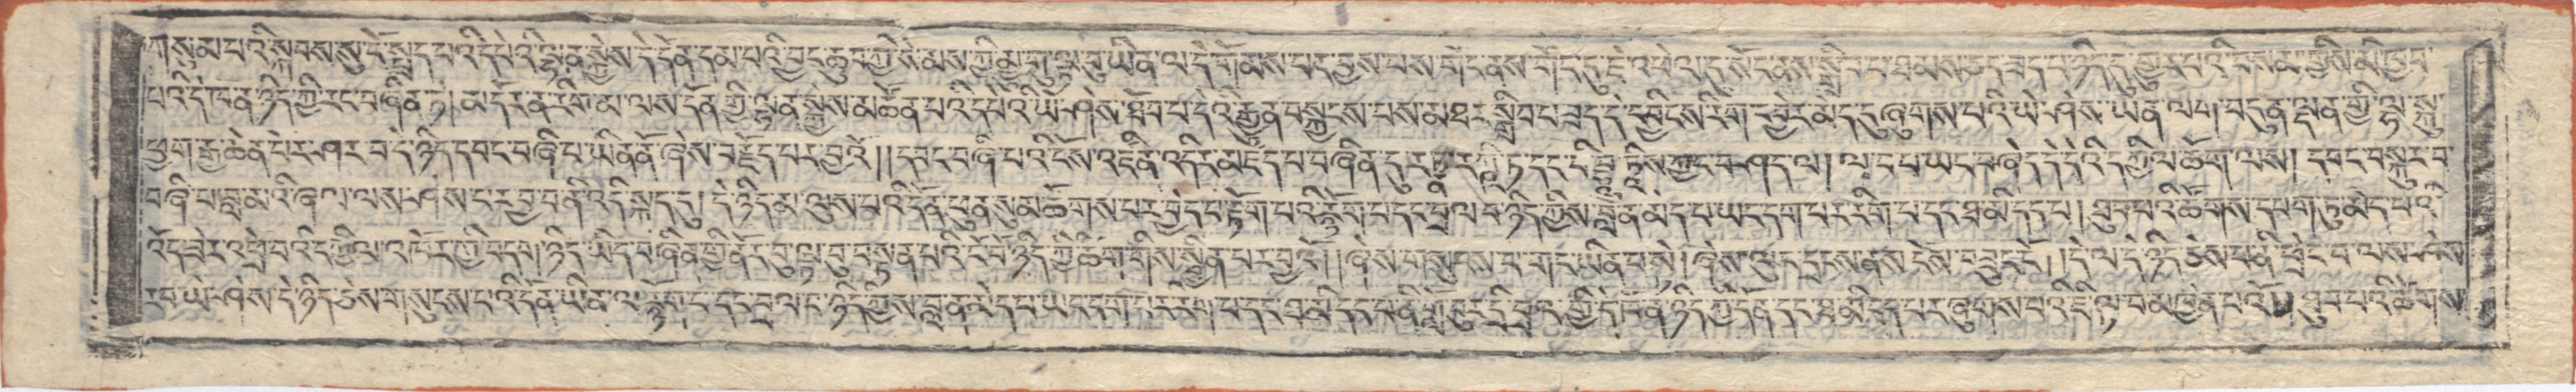གསུམ་པའི་སྐབས་སུ་ངོ་སྤྲད་པའི་དཔེའི་ལྷན་སྐྱེས་དེ་དོན་དམ་པའི་བྱང་ཆུབ་ཀྱི་སེམས་ཀྱི་མྱུ་གུ་ལྟ་བུ་ཡིན་ལ་དེ་གོམས་པར་བྱས་པས་གོང་ནས་གོང་དུ་ཇེ་འཕེལ་དུ་སོང་ནས་སྒྲིབ་པ་ཐམས་ཅད་ཟད་པ་ཉིད་དུ་གྱུར་པའི་བསམ་གྱིས་མི་ཁྱབ་
པའི་དེ་ཁོ་ན་ཉིད་ཀྱི་རང་བཞིན་ཏེ། མདོར་ན་རིག་མ་ལས་དོན་གྱི་ལྷན་སྐྱེས་མཚོན་པའི་དཔེའི་ཡེ་ཤེས་ཐོབ་པ་དེའི་རྒྱུན་བསྐྱངས་པས་མཐར་སྒྲིབ་པ་ཟད་དེ་དབྱིངས་རིག་དབྱེར་མེད་དུ་ཞུགས་པའི་ཡེ་ཤེས་ཡན་ལག་བདུན་ལྡན་གྱི་ལྷ་སྐུ་
ཕྱག་རྒྱ་ཆེན་པོར་ཤར་བ་དེ་ཉིད་དབང་བཞི་པ་ཡིན་ནོ་ཞེས་བརྗོད་པར་བྱའོ། །དབང་བཞི་པའི་ངོས་འཛིན་འདིར་མཛད་པ་བཞིན་དུ་རཏྣ་རཀྵི་ཏ་དང་བི་བྷཱུ་ཏཱིས་ཀྱང་བཤད་ལ། ལྭ་བ་པ་ཡང་བཞེད་དེ་དེའི་དཀྱིལ་ཆོག་ལས། དབང་བསྐུར་བ་
བཞི་པ་བླ་མའི་ཞལ་ལས་ཤེས་པར་བྱ་བ་ནི་འདི་སྐད་དུ། དེ་ཉིད་མ་ལུས་པའི་དོན་ཕུན་སུམ་ཚོགས་པར་བྱེད་པ་རྟོག་པའི་རྙོག་པ་དང་བྲལ་བ་ཉིད་ཀྱིས་བླ་ན་མེད་པ་ཡང་དག་པར་རིག་པ་དང་ཐ་མི་དད་པ། ཐུབ་པའི་ཚོགས་དཔག་ཏུ་མེད་པའི་
འོད་ཟེར་འཕྲོ་བའི་དཀྱིལ་འཁོར་གྱི་བདག་ཉིད་ཡིད་བཞིན་གྱི་ནོར་བུ་ལྟ་བུ་བསྟན་པའི་ངོ་བོ་ཉིད་ཀྱི་ཚིག་གིས་སྦྱིན་པར་བྱའོ། །ཞེས་གསུངས་པ་གང་ཡིན་པ་སྟེ། ཞེས་ལུང་དྲངས་ནས་ངོས་བཟུང་ངོ། །དེ་ལ་དེ་ཉིད་ཅེས་པ་ནི་ཕྲེང་བ་ལས་ཤེས་
རབ་ཡེ་ཤེས་དེ་ཉིད་ཅེས་གསུངས་པའི་དོན་ཡིན་ལ་རྙོག་པ་དང་བྲལ་བ་ཉིད་ཀྱིས་བླ་ན་མེད་པ་ཡང་དག་པར་རིག་པ་དང་ཐ་མི་དད་པ་ནི་གློ་བུར་དྲི་བྲལ་གྱི་དེ་ཁོ་ན་ཉིད་ཀྱི་དོན་དང་ཐ་མི་དད་པར་ཞུགས་པའི་ཇི་ལྟ་བ་མཁྱེན་པའོ། །ཐུབ་པའི་ཚོགས་